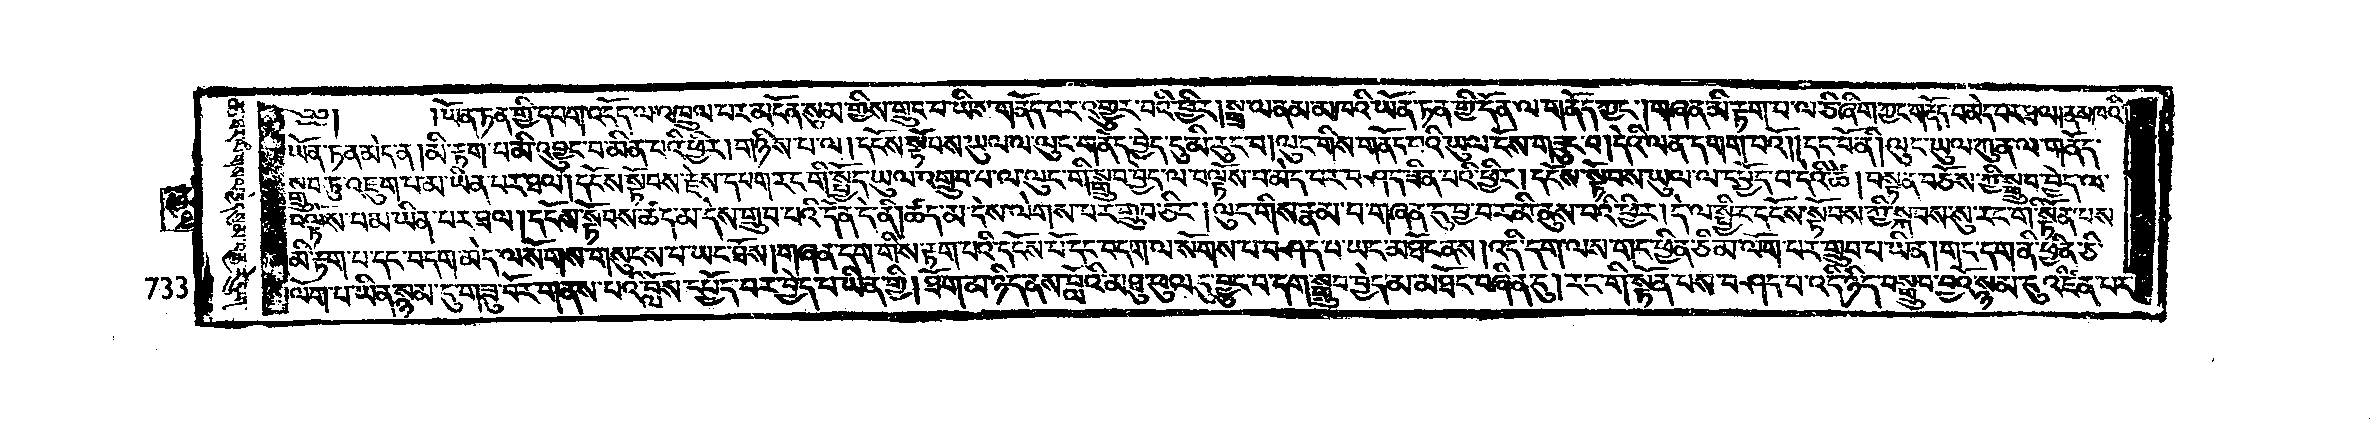༄༅། །ཡོན་ཏན་གྱི་དཔག་འདོད་ལ་འཁྲུལ་པར་མངོན་སུམ་གྱིས་གྲུབ་པ་ཡིས་གནོད་པར་འགྱུར་བའི་ཕྱིར། སྒྲ་ལ་ནམ་མཁའི་ཡོན་ཏན་གྱི་དོན་ལ་གནོད་ཀྱང་། གཞན་མི་རྟག་པ་ལ་ཅི་ཞིག་ཀྱང་གནོད་པ་མེད་པར་ཐལ། ནམ་མཁའི་
ཡོན་ཏན་མེད་ན། མི་རྟག་པ་མི་འབྱུང་བ་མིན་པའི་ཕྱིར། གཉིས་པ་ལ། དངོས་སྟོབས་ཡུལ་ལ་ལུང་གནོད་བྱེད་དུ་མི་རུང་བ། ལུང་གིས་གནོད་པའི་ཡུལ་ངོས་གཟུང་བ། དེའི་ལན་དགག་པའོ། །དང་པོ་ནི། ལུང་ཡུལ་ཀུན་ལ་གནོད་
སྒྲུབ་ཏུ་འཇུག་པ་མ་ཡིན་པར་ཐལ། དངོས་སྟོབས་རྗེས་དཔག་རང་གི་སྤྱོད་ཡུལ་འགྲུབ་པ་ལ་ལུང་གི་སྒྲུབ་བྱེད་ལ་བལྟོས་པ་མེད་པར་བཤད་ཟིན་པའི་ཕྱིར། དངོས་སྟོབས་ཡུལ་ལ་དཔྱོད་པ་དེའི་ཚེ། བསྟན་བཅོས་ཀྱི་སྒྲུབ་བྱེད་ལ་
བལྟོས་པ་མ་ཡིན་པར་ཐལ། དངོས་སྟོབས་ཚད་མ་དེས་གྲུབ་པའི་དོན་དེ་ནི། ཚད་མ་དེས་ལེགས་པར་གྲུབ་ཅིང་། ལུང་གིས་རྣམ་པ་གཞན་དུ་བྱ་བར་མི་ནུས་པའི་ཕྱིར། དེ་ལ་སྤྱིར་དངོས་སྟོབས་ཀྱི་སྐབས་སུ་རང་གི་སྟོན་པས་
མི་རྟག་པ་དང་བདག་མེད་ལ་སོགས་གསུངས་པ་ཡང་ཐོས། གཞན་དག་གིས་རྟག་པའི་དངོས་པོ་དང་བདག་ལ་སོགས་པ་བཤད་པ་ཡང་མཐོང་ནས། འདི་དག་ལས་གང་ཕྱིན་ཅི་མ་ལོག་པར་གྲུབ་པ་ཡིན། གང་དག་ནི་ཕྱིན་ཅི་
ལོག་པ་ཡིན་སྙམ་དུ་གཟུ་བོར་གནས་པའི་བློས་དཔྱོད་པར་བྱེད་པ་ཡིན་གྱི། ཐོག་མ་ཉིད་ནས་བློའི་མཐུ་ཕུལ་དུ་བྱུང་བ་དག་སྒྲུབ་བྱེད་མ་མཐོང་བཞིན་དུ། རང་གི་སྟོན་པས་བཤད་པ་འདི་ཉིད་བསྒྲུབ་བྱའོ་སྙམ་དུ་འཛིན་པར་